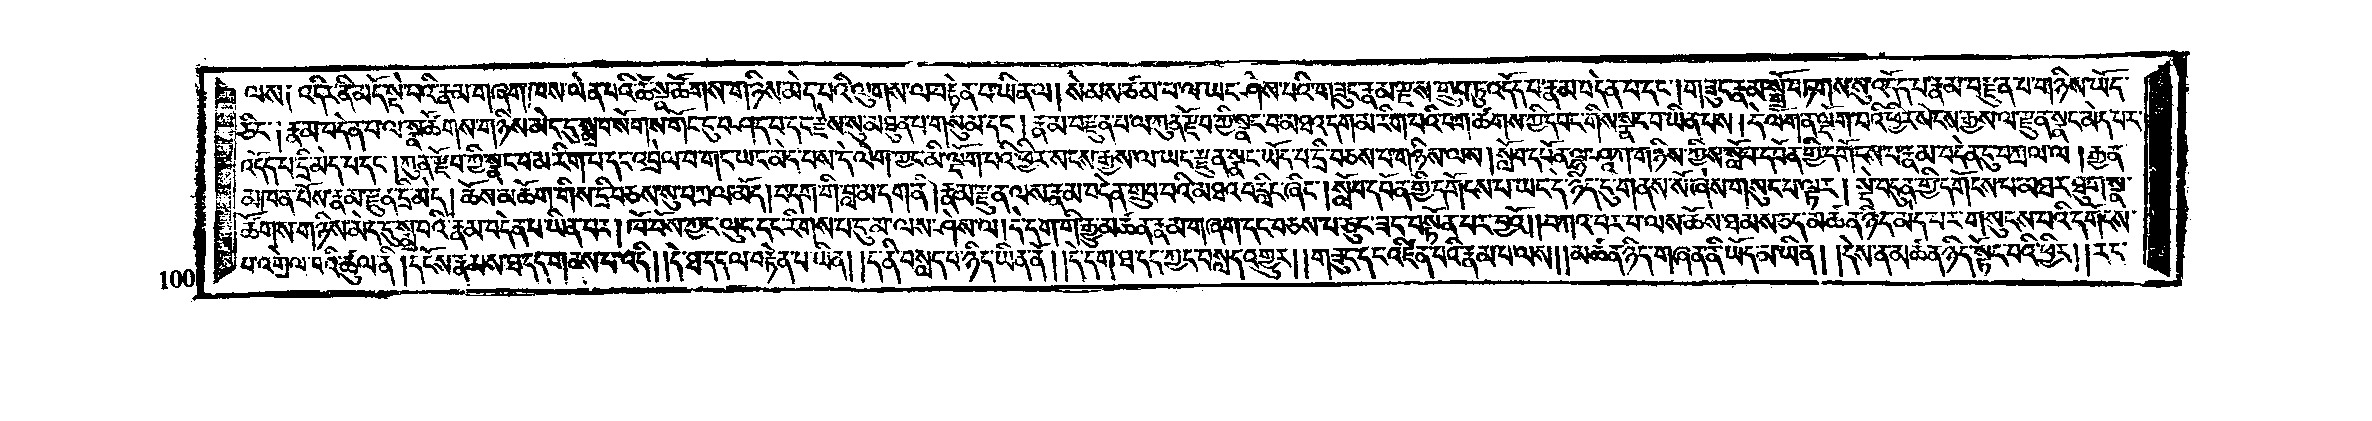ལས༑ འདིར་ནི་མདོ་སྡེ་པའི་རྣམ་གཞག་ཁས་ལེན་པའི་ཚེ་སྣ་ཚོགས་གཉིས་མེད་པའི་ལུགས་ལ་བརྟེན་པ་ཡིན་ལ། སེམས་ཙམ་པ་ལ་ཡང་ཤེས་པའི་གཟུང་རྣམ་རྫས་གྲུབ་ཏུ་འདོད་པ་རྣམ་བདེན་པ་དང་། གཟུང་རྣམ་སྒྲོ་བཏགས་སུ་འདོད་པ་རྣམ་བརྫུན་པ་གཉིས་ཡོད་
ཅིང༑ རྣམ་བདེན་པ་ལ་སྣ་ཚོགས་གཉིས་མེད་དུ་སྨྲ་བ་སོགས་གོང་དུ་བཤད་པ་དང་རྗེས་སུ་མཐུན་པ་གསུམ་དང་། རྣམ་བརྫུན་པ་ལ་ཀུན་རྫོབ་ཀྱི་སྣང་བ་མཐའ་དག་མ་རིག་པའི་བག་ཆགས་ཀྱི་དབང་གིས་སྣང་བ་ཡིན་པས། དེ་ལོག་ན་ལྡོག་པའི་ཕྱིར་སངས་རྒྱས་ལ་རྫུན་སྣང་མེད་པར་
འདོད་པ་དྲི་མེད་པ་དང་། ཀུན་རྫོབ་ཀྱི་སྣང་བ་མ་རིག་པ་དང་འབྲེལ་བ་གང་ཡང་མེད་པས་དེ་ལོག་ཀྱང་མི་ལྡོག་པའི་ཕྱིར་སངས་རྒྱས་ལ་ཡང་རྫུན་སྣང་ཡོད་པ་དྲི་བཅས་པ་གཉིས་ལས། སློབ་དཔོན་ལྷ་ཤཱ་ཀ་གཉིས་ཀྱིས་སློབ་དཔོན་གྱི་དགོངས་པ་རྣམ་བདེན་དུ་བཀྲལ་ལ། རྒྱན་
མཁན་པོས་རྣམ་རྫུན་དྲི་མེད། ཆོས་མཆོག་གིས་དྲི་བཅས་སུ་བཀྲལ་མོད། བདག་གི་བླ་མ་དག་ནི། རྣམ་རྫུན་ལས་རྣམ་བདེན་གྲུབ་པའི་མཐའ་བརླིང་ཞིང་། སློབ་དཔོན་གྱི་དགོངས་པ་ཡང་དེ་ཉིད་དུ་གནས་སོ་ཞེས་གསུང་པ་ལྟར། སྡེ་བདུན་གྱི་དགོངས་པ་མཐར་ཐུག་སྣ་
ཚོགས་གཉིས་མེད་དུ་སྨྲ་བའི་རྣམ་བདེན་པ་ཡིན་པར། ཁོ་བོས་ཀྱང་ལུང་དང་རིགས་པ་དུ་མ་ལས་ཤེས་ལ། དེ་དག་གི་རྒྱུ་མཚན་རྣམ་གཞག་དང་བཅས་པ་ཅུང་ཟད་བསྟན་པར་བྱའོ། །བཀའ་བར་པ་ལས་ཆོས་ཐམས་ཅད་མཚན་ཉིད་མེད་པར་གསུངས་པའི་དགོངས་
པ་འགྲེལ་བའི་ཚུལ་ནི། དངོས་རྣམས་ཐ་དད་གནས་པ་འདི། །དེ་ཐ་དད་ལ་བརྟེན་པ་ཡིན། །དེ་ནི་བསླད་པ་ཉིད་ཡིན་ན། །དེ་དག་ཐ་དད་ཀྱང་བསླད་འགྱུར། །གཟུང་དང་འཛིན་པའི་རྣམ་པ་ལས། །མཚན་ཉིད་གཞན་ནི་ཡོད་མ་ཡིན། །དེས་ན་མཚན་ཉིད་སྟོང་པའི་ཕྱིར། །རང་